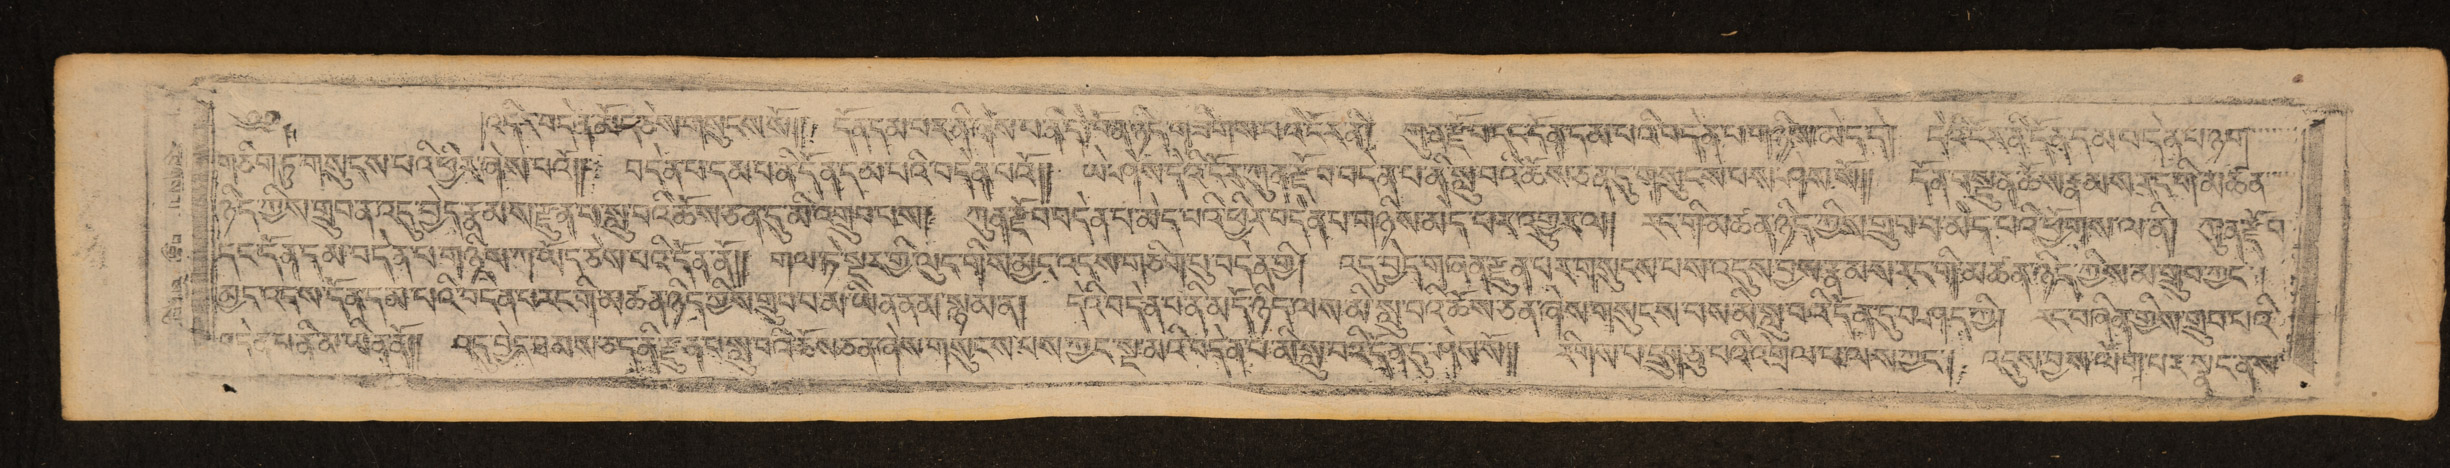༄༅། །འདིར་བདེན་མོད་ཅེས་གསུངས་སོ།། དོན་དམ་པར་ནི་ཞེས་པ་ནི་དེ་ཁོ་ན་ཉིད་གཟིགས་པའི་ངོར་ནི། ཀུན་རྫོབ་དང་དོན་དམ་པའི་བདེན་པ་གཉིས་མེད་དེ། དེའི་ངོར་ནི་དོན་དམ་བདེན་པ་ཉག་
གཅིག་ཏུ་གསུངས་པའི་ཕྱིར་ཞེས་པའོ།། བདེན་པ་དམ་པ་ནི་དོན་དམ་པའི་བདེན་པའོ།། ཡེ་ཤེས་དེའི་ངོར་ཀུན་རྫོབ་བདེན་པ་མེད་པ་ནི་སླུ་བའི་ཆོས་ཅན་དུ་གསུངས་པས་ཤེས་སོ།། དོན་བསྡུ་ན་ཆོས་རྣམས་རང་གི་མཚན་
ཉིད་ཀྱིས་གྲུབ་ན་འདུ་བྱེད་རྣམས་རྫུན་པ་སླུ་བའི་ཆོས་ཅན་དུ་མི་འགྲུབ་པས། ཀུན་རྫོབ་བདེན་པ་མེད་པའི་ཕྱིར་བདེན་པ་གཉིས་མེད་པར་འགྱུར་ལ། རང་གི་མཚན་ཉིད་ཀྱིས་གྲུབ་པ་མེད་པའི་ཕྱོགས་ལ་ནི། ཀུན་རྫོབ་
དང་དོན་དམ་བདེན་པ་གཉིས་ཀ་ཡོད་ཅེས་པའི་དོན་ནོ།། གལ་ཏེ་སྔར་གྱི་ལུང་གིས་མྱང་འདས་གཅིག་པུ་བདེན་གྱི། འདུ་བྱེད་གཞན་རྫུན་པར་གསུངས་པས་འདུས་བྱས་རྣམས་རང་གི་མཚན་ཉིད་ཀྱིས་མ་གྲུབ་ཀྱང་།
མྱང་འདས་དོན་དམ་པའི་བདེན་པ་རང་གི་མཚན་ཉིད་ཀྱིས་གྲུབ་པ་མ་ཡིན་ནམ་སྙམ་ན། དེའི་བདེན་པ་ནི་མདོ་ཉིད་ལས་མི་སླུ་བའི་ཆོས་ཅན་ཞེས་གསུངས་པས་མི་སླུ་བའི་དོན་དུ་བཤད་ཀྱི། རང་བཞིན་གྱིས་གྲུབ་པའི་
བདེན་པ་ནི་མ་ཡིན་ནོ།། འདུ་བྱེད་ཐམས་ཅད་ནི་རྫུན་པ་སླུ་བའི་ཆོས་ཅན་ཞེས་གསུངས་པས་ཀྱང་སྔ་མའི་བདེན་པ་མི་སླུ་བའི་དོན་དུ་ཤེས་སོ།། རིགས་པ་དྲུག་ཅུ་པའི་འགྲེལ་པ་ལས་ཀྱང་། འདུས་བྱས་ལོག་པར་སྣང་ནས་